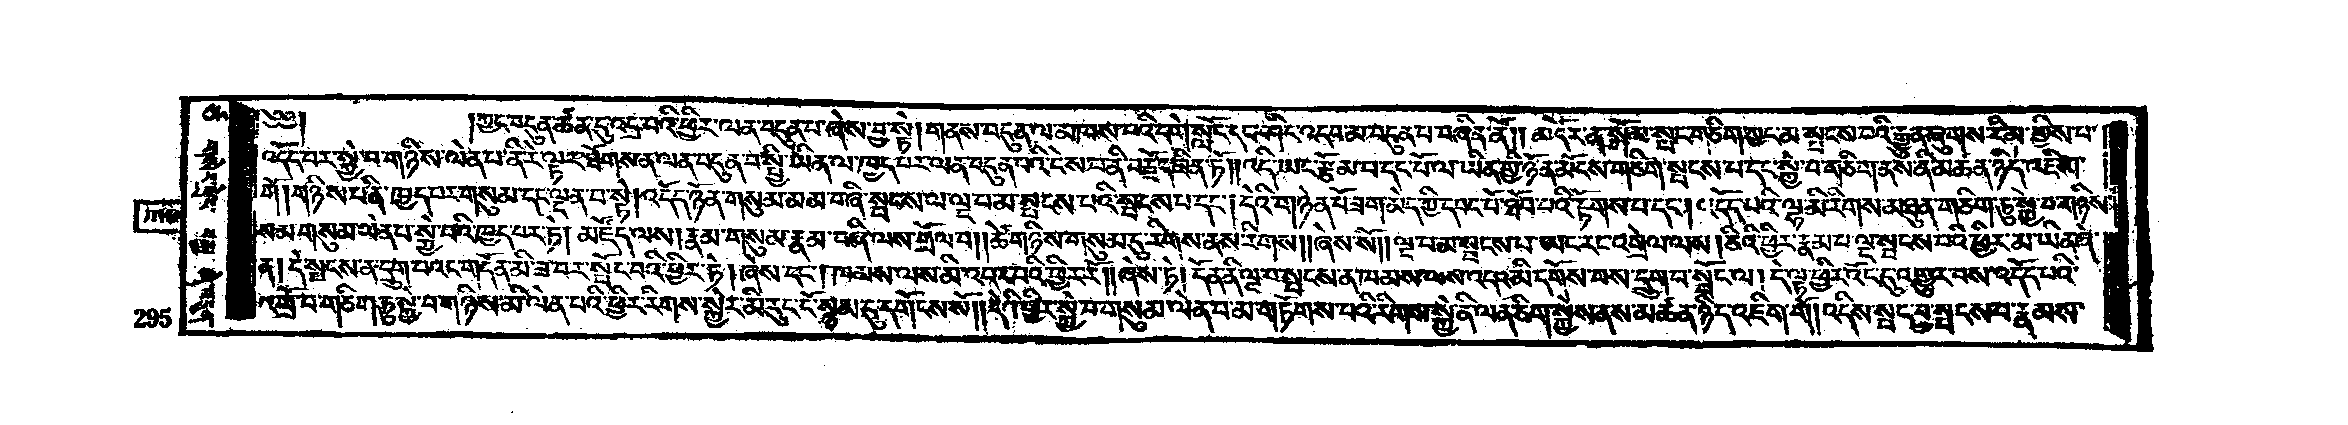༄༅། །ཀྱང་བདུན་ཚན་དུ་འདྲ་བའི་ཕྱིར་ལན་བདུན་པ་ཞེས་བྱ་སྟེ། གནས་བདུན་ལ་མཁས་པའི་དགེ་སློང་དང་ཤིང་འདབ་མ་བདུན་པ་བཞིན་ནོ། །མདོར་ན་སྒོམ་སྤང་གཅིག་ཀྱང་མ་སྤངས་པའི་རྒྱུན་ཞུགས་རིམ་གྱིས་པ་
འདོད་པར་སྐྱེ་བ་གཉིས་ལེན་པ་ནི་རེ་ལྟར་ཐོགས་ན་ལན་བདུན་པ་སྤྱི་ཡིན་ལ་ཁྱད་པར་ལན་བདུན་པའི་ངེས་པ་ནི་བརྗོད་ཟིན་ཏོ། །འདི་ཡང་རྩོམ་པ་དང་པོ་ལ་ཡིན་གྱི་ཉོན་མོངས་གཅིག་སྤངས་པ་དང་སྐྱེ་བ་གཅིག་ནས་ནི་མཚན་ཉིད་འཇིག་
གོ །གཉིས་པ་ནི་ཁྱད་པར་གསུམ་དང་ལྡན་པ་སྟེ། འདོད་ཉོན་གསུམ་མམ་བཞི་སྤངས་ལ་ལྔ་པ་མ་སྤངས་པའི་སྤངས་པ་དང་། དེའི་གཉེན་པོ་ཟག་མེད་ཀྱི་དབང་པོ་ཐོབ་པའི་རྟོགས་པ་དང་། འདོད་པའི་ལྷ་མི་རིགས་མཐུན་གཅིག་ཏུ་སྐྱེ་བ་གཉིས་
སམ་གསུམ་ལེན་པ་སྐྱེ་བའི་ཁྱད་པར་ཏེ། མཛོད་ལས། རྣམ་གསུམ་རྣམ་བཞི་ལས་གྲོལ་བ། །ཚེ་གཉིས་གསུམ་དུ་རིགས་ནས་རིགས། །ཞེས་སོ། །ལྔ་པ་མ་སྤངས་པ་ཡང་རང་འགྲེལ་ལས། ཅིའི་ཕྱིར་རྣམ་པ་ལྔ་སྤངས་པའི་ཕྱིར་མ་ཡིན་ཞེ་
ན། དེ་སྤངས་ན་དྲུག་པའང་གདོན་མི་ཟ་བར་སྤོང་བའི་ཕྱིར་ཏེ། ཞེས་དང་། ཁམས་ལས་མི་འདའ་བའི་ཕྱིར་རོ། །ཞེས་ཏེ། དོན་ནི་ལྔ་པ་སྤངས་ན་ཁམས་ལས་འདའ་མི་དགོས་པས་དྲུག་པ་སྤོང་ལ། དེ་ལྟ་ཕྱིར་འོང་དུ་འགྱུར་བས་འདོད་པའི་
འགྲོ་བ་གཅིག་ཏུ་སྐྱེ་བ་གཉིས་མི་ལེན་པའི་ཕྱིར་རིགས་སྐྱེར་མི་རུང་ངོ་སྙམ་དུ་དགོངས་སོ། །དེའི་ཕྱིར་སྐྱེ་བ་གསུམ་ལེན་པ་མ་གཏོགས་པའི་རིགས་སྐྱེ་ནི་ལན་ཅིག་སྐྱེས་ནས་མཚན་ཉིད་འཇིག་གོ །འདིས་སྤང་བྱ་སྤངས་པ་རྣམས་